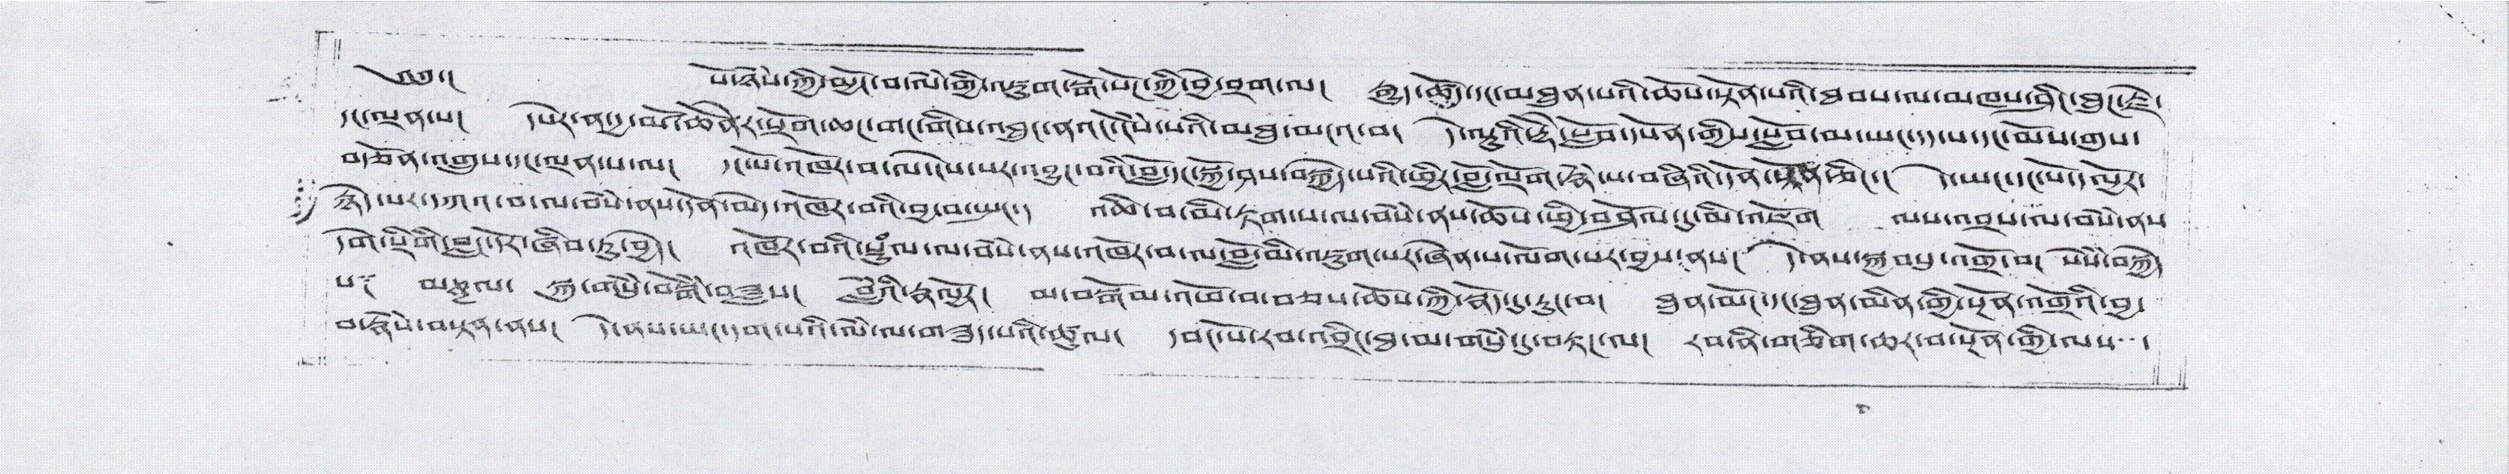པོ་ཉམས་ཀྱི་མྱོང་བ་ལམ་གྱི་འཇུག་སྒོ་སོགས་ཀྱི་བྱེ་བྲག་ལ། རྒྱུད་ཚོད་དང་མཐུན་པའི་ཆོས་སྟོན་པའི་ཐབས་ལ་མཁས་ཤིང་ཐུགས་རྗེ་
དང་ལྡན་པ། དཔེར་ན་རྒྱ་མཚོ་ཆེན་པོར་སྲོག་ཆགས་གང་གིས་འཐུང་ནའང་ངོམས་པའི་མཐུ་མངའ་བ། དེ་ལྟ་བུའི་རྡོ་རྗེ་སློབ་དཔོན་གྱིས་སློབ་མ་ཡང་དད་པ་དང་མོས་གུས་
བརྩོན་འགྲུས་དང་ལྡན་པ་ལ། དང་པོ་འཁོར་བ་ལ་ངེས་པར་འབྱུང་བའི་བློ་དང་སྐྱོ་ཤས་བསྐྱེད་པའི་ཕྱིར་བློ་ལྡོག་རྣམ་པ་བཞིའི་དོན་སྟོན་ཅིང། དེ་ཡང་དང་པོ་དལ་འབྱོར་
རྙེད་པར་དཀའ་བ་ལ་བསམ་ནས་དོན་མེད་འཁོར་བའི་བྱ་བ་སྤང། འཆི་བ་མི་རྟག་པ་ལ་བསམ་ནས་ཆོས་ཕྱོ་བཤོལ་དུ་མི་འཇོག ལས་འབྲས་ལ་བསམ་ནས་
དགེ་སྡིག་གི་བླང་དོར་ཞིབ་ཏུ་བྱེད། འཁོར་བའི་སྡུག་བསྔལ་ལ་བསམ་ནས་འཁོར་བ་ལ་བློ་མི་འཇུག་པར་ཞེན་པ་ལོག་པར་བྱས་ནས། དེ་ནས་སྐྱབས་སུ་འགྲོ་བ། སེམས་བསྐྱེད་
པ། མཎྜལ། སྐུ་གསུམ་བསྒོམ་བཟླས། བླ་མའི་རྣལ་འབྱོར། མ་བསྒོམ་འཕོ་བ་བཅས་ཆོས་ཀྱི་སྣོད་དུ་རུང་བ། ཐུན་མོང་དང་ཐུན་མིན་གྱི་སྔོན་འགྲོའི་བྱ་
བ་རྣམས་བསྟན་ནས། དེ་ནས་ཡང་དག་པའི་ལམ་ལ་གཟུད་པའི་ཚུལ། དབང་པོ་རབ་འབྲིང་ཐ་མ་གསུམ་དུ་བརྟགས་ལ། རབ་ནི་གཅིག་ཆར་བ་སྔོན་གྱི་ལས་